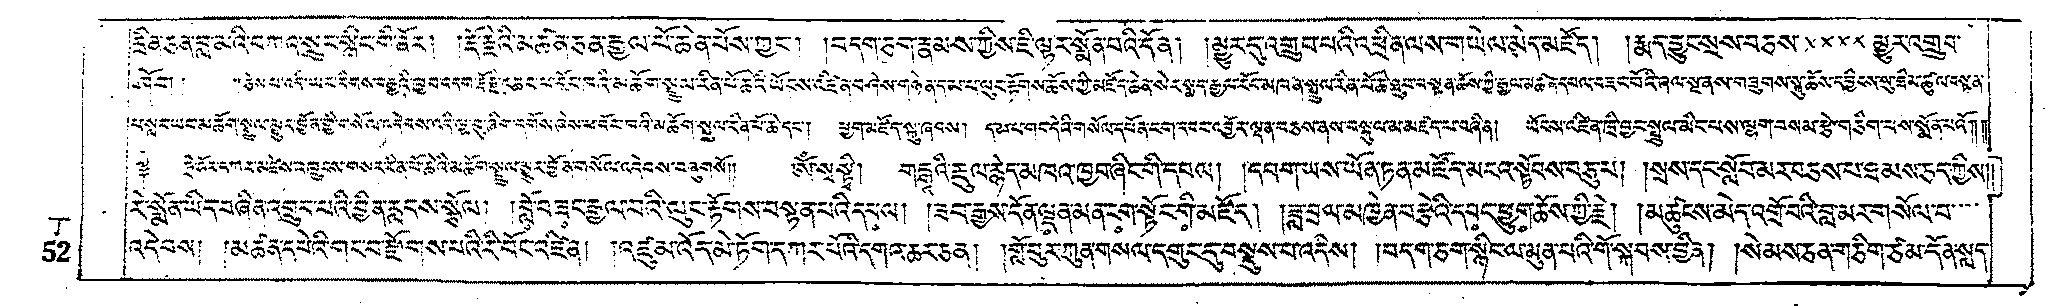དྲིན་ཅན་བླ་མའི་བཀའ་སྲུང་སྙིང་གི་ནོར། །རྡོ་རྗེའི་མཚན་ཅན་རྒྱལ་པོ་ཆེན་པོས་ཀྱང་། །བདག་ཅག་རྣམས་ཀྱིས་ཇི་ལྟར་སྨོན་པའི་དོན། །མྱུར་དུ་འགྲུབ་པའི་འཕྲིན་ལས་གཡེལ་མེད་མཛོད། །རྨད་བྱུང་སྲས་བཅས་྾་྾་྾་མྱུར་འགྲུབ་
ཤོག། །།ཅེས་པ་འདི་ཡང་རིགས་བརྒྱའི་ཁྱབ་བདག་རྡོ་རྗེ་འཆང་ཕ་བོང་ཁའི་མཆོག་སྤྲུལ་རིན་པོ་ཆེའི་ཡོངས་འཛིན་བཤེས་གཉེན་དམ་པ་ལུང་རྟོགས་ཆོས་ཀྱི་མཛོད་ཆེན་སེར་སྨད་རྒྱལ་རོང་མཁན་སྤྲུལ་རིན་པོ་ཆེ་ཐུབ་བསྟན་ཆོས་ཀྱི་རྒྱལ་མཚན་དཔལ་བཟང་པོའི་ཞལ་སྔ་ནས་གཟུགས་སྐུ་ཆོས་དབྱིངས་སུ་ཐིམ་ཚུལ་བསྟན་
པ་སླར་ཡང་མཆོག་སྤྲུལ་མྱུར་བྱོན་གྱི་གསོལ་འདེབས་འདི་ལྟ་བུ་ཞིག་དགོས་ཞེས་ཕ་བོང་ཁའི་མཆོག་སྤྲུལ་རིན་པོ་ཆེ་དང་། ཕྱག་མཛོད་སྐུ་ཞབས། དམ་པ་གང་དེའི་གསོལ་དཔོན་ངག་དབང་འབྱོར་ལྡན་བཅས་ནས་བསྐུལ་མ་མཛད་པ་བཞིན། ཡོངས་འཛིན་ཁྲི་བྱང་སྤྲུལ་མིང་པས་ལྷག་བསམ་རྩེ་གཅིག་པས་སྨོན་པའོ།། །།
འ་ཧྲེ་ཧོར་དཀར་མཛེས་འཁྲུངས་གསར་རིན་པོ་ཆེའི་མཆོག་སྤྲུལ་མྱུར་བྱོན་གསོལ་འདེབས་བཞུགསོ།། ཨོཾ་སྭ་སྟྭི། གངྒཱའི་རྡུལ་རྙེད་མཁའ་ཁྱབ་ཞིང་གི་དཔལ། །དཔག་ཡས་ཡོན་ཏན་མཛོད་མངའ་སྟོབས་བཅུ་པ། །སྲས་དང་སློབ་མར་བཅས་པ་ཐམས་ཅད་ཀྱིས།།
རེ་སྨོན་ཡིད་བཞིན་འགྲུབ་པའི་བྱིན་རླབས་སྩོལ། །བློ྾་བཟང྾་རྒྱལ་བའི་ལུང་རྟོགས་བསྟན་པའི་དཔལ྾། །ཟབ་རྒྱས་དོན་ལྡན྾་མན་ངག྾་སྟོང་གི྾་མཛོད། །ཟླ་བྲལ་མཁྱེན་བརྩེའི་དབང྾་ཕྱུག྾་ཆོས་ཀྱི་རྗེ། །མཚུངས་མེད་འགྲོ་བའི་བླ་མར་གསོལ་བ་་་
འདེབས། །མཚན་དཔེའི་གང་བ་རྫོགས་པའི་རི་བོང་འཛིན། །འཛུམ་འོད་མེ་ཏོག་དཀར་པོའི་དགའ་ཆར་ཅན། །གློ་བུར་ཀུན་གསལ་དགུང་དུ་བསྡུས་པ་འདིས། །བདག་ཅག་སྙིང་ལ་མུན་པའི་གོ་སྐབས་བྱིན། །སེམས་ཅན་གཅིག་ཙམ་དོན་སླད་